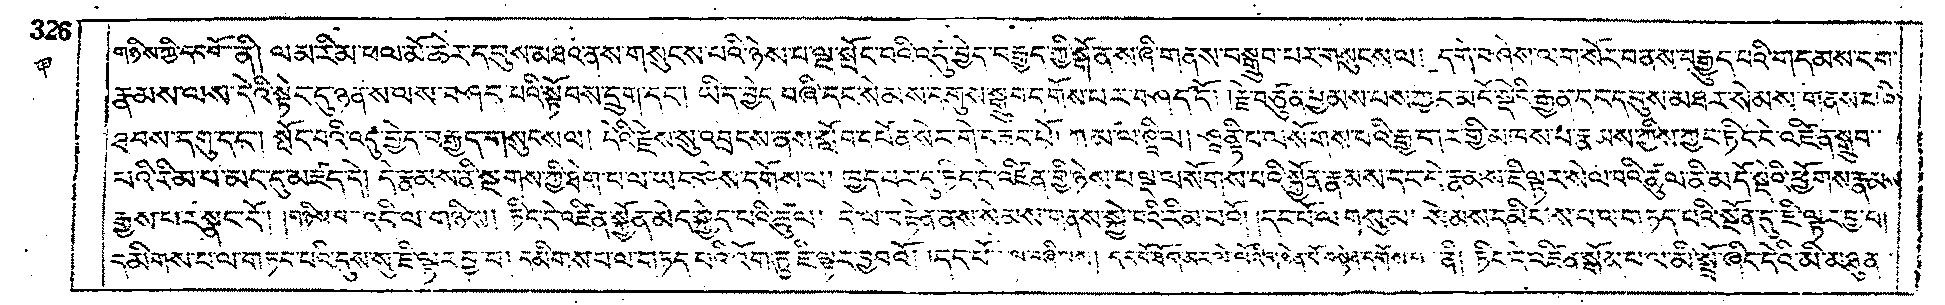གཉིས་ཀྱི་དང་པོནི། ལམ་རིམ་ཕལ་མོ་ཆེར་དབུས་མཐའ་ནས་གསུངས་པའི་ཉེས་པ་ལྔ་སྤོང་བའི་འདུ་བྱེད་བརྒྱད་ཀྱི་སྒོ་ནས་ཞི་གནས་བསྒྲུབ་པར་གསུངས་ལ། དགེ་བཤེས་ལག་སོར་བ་ནས་བརྒྱུད་པའི་གདམས་ངག་
རྣམས་ལས་དེའི་སྟེང་དུ་ཉན་ས་ལས་བཤད་པའི་སྟོབས་དྲུག་དང་། ཡིད་བྱེད་བཞི་དང་སེམས་དགུས་སྒྲུབ་དགོས་པར་བཤད་དོ། །རྗེ་བཙུན་བྱམས་པས་ཀྱང་མདོ་སྡེའི་རྒྱན་དང་དབུས་མཐར་སེམས་གནས་པའི་
ཐབས་དགུ་དང་། སྤོང་བའི་འདུ་བྱེད་བརྒྱད་གསུངས་ལ། དེའི་རྗེས་སུ་འབྲངས་ནས་སློབ་དཔོན་སེང་གེ་བཟང་པོ། ཀ་མ་ལ་ཤཱི་ལ། ཤྰྣྟི་པ་ལ་སོགས་པའི་རྒྱ་གར་གྱི་མཁས་པ་རྣམས་ཀྱིས་ཀྱང་ཏིང་ངེ་འཛིན་སྒྲུབ་
པའི་རིམ་པ་མང་དུ་མཛད་དེ། དེ་རྣམས་ནི་སྔགས་ཀྱི་ཐེག་པ་ལ་ཡང་ཤེས་དགོས་ལ། ཁྱད་པར་དུ་ཏིང་ངེ་འཛིན་གྱི་ཉེས་པ་ལྔ་ལ་སོགས་པའི་སྐྱོན་རྣམས་དང་དེ་རྣམས་ཇི་ལྟར་སེལ་བའི་ཚུལ་ནི་མདོ་སྡེའི་ཕྱོགས་རྣམས་
རྒྱས་པར་སྣང་ངོ། །གཉིས་པའདི་ལ་གཉིས། ཏིང་ངེ་འཛིན་སྐྱོན་མེད་སྐྱེད་པའི་ཚུལ། དེ་ལ་བརྟེན་ནས་སེམས་གནས་སྐྱེ་བའི་རིམ་པའོ། །དང་པོ་ལ་གསུམ། སེམས་དམིགས་པ་ལ་གཏད་པའི་སྔོན་དུ་ཇི་ལྟར་བྱ་བ།
དམིགས་པ་ལ་གཏད་པའི་དུས་སུ་ཇི་ལྟར་བྱ་བ། དམིགས་པ་ལ་གཏད་པའི་འོག་ཏུ་ཇི་ལྟར་བྱ་བའོ། །དང་པོལ་བཞི་ལས། དང་པོ་ཐོག་མར་ལེ་ལོའི་གཉེན་པོ་བསྟེན་དགོས་པནི། ཏིང་ངེ་འཛིན་སྒོམ་པ་ལ་མི་སྤྲོ་ཞིང་དེའི་མི་མཐུན་